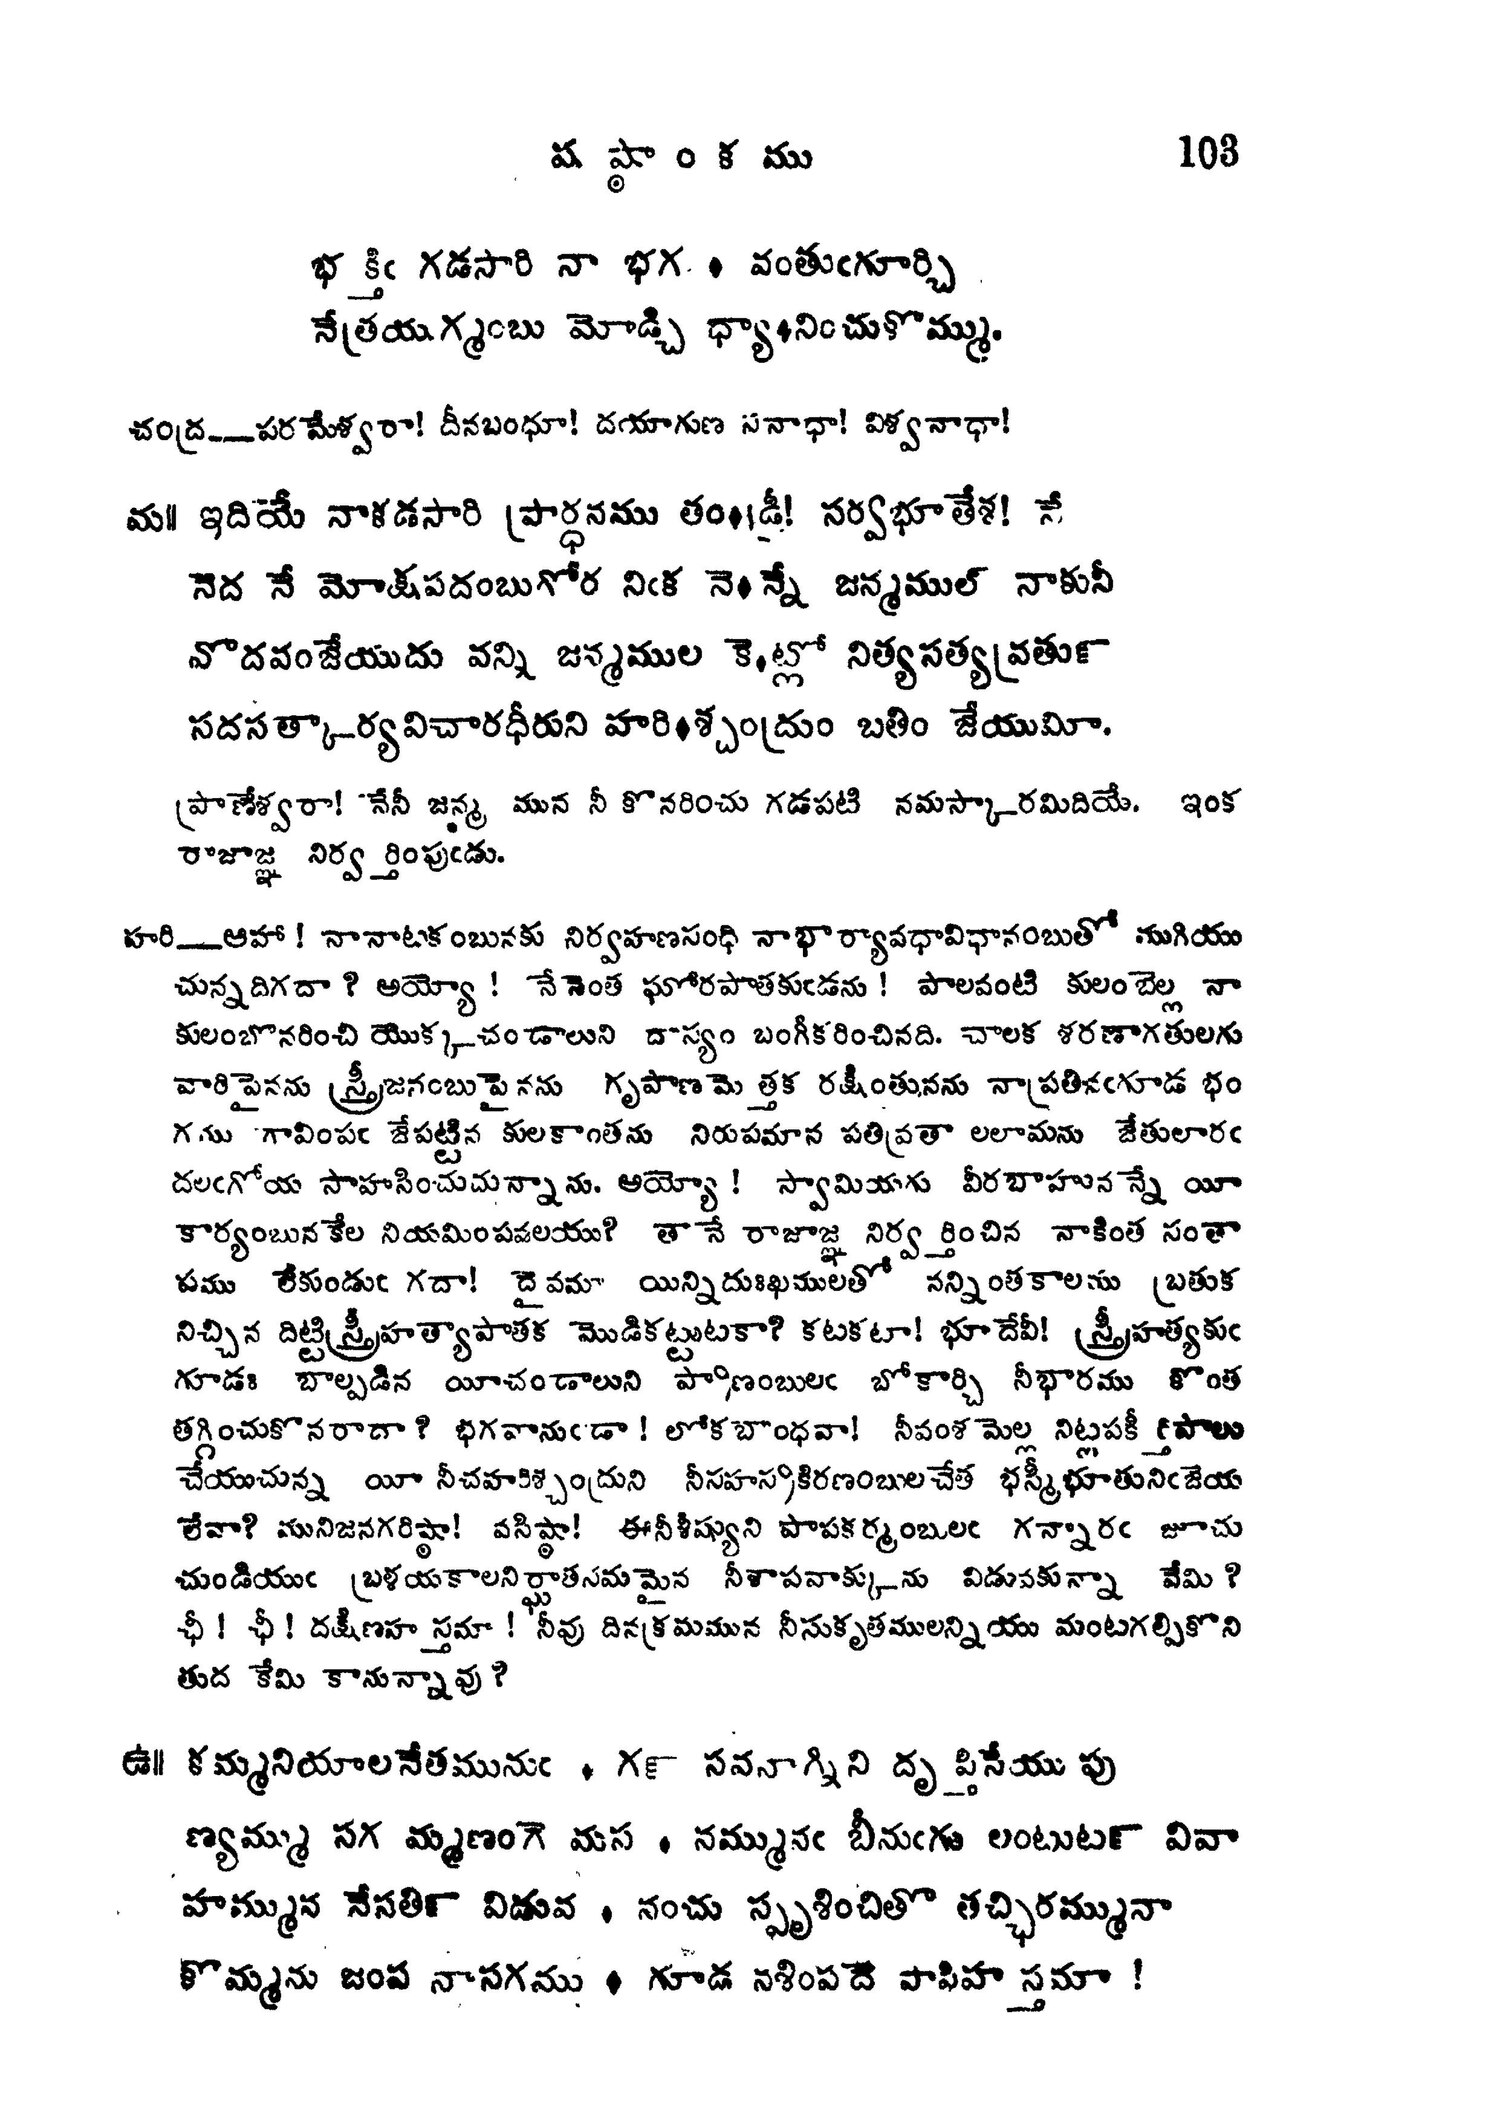భక్తికడసారి నా భగవంతుని గూర్చిం
నేత్ర యుగ్మంబు మోడ్చి ధ్యానించుకొమ్ము

చంద్ర - 	పరమేశ్వరా! దీనబంధూ! దయాగుణసాగరా! విశ్వనాథా!

మ. 	ఇదియే నాకడసారి ప్రార్థనంబు తండ్రీ సర్వభూతేశ నే
నెద వే మోక్షపథంబుఁ గోరనిఁక నెన్నే జన్మముల్‌ నాకు నీ
వొదవుం జేయుదు వన్ని జన్మముల కెట్లో నిత్యసత్యవ్రతున్‌
సదసత్కార్యవిచారధీరుని హరిశ్చంద్రం బతిం జేయుమీ!

ప్రాణేశ్వరా! నే నీ జన్మమున నీ కొనరించు కడపటి నమస్కార మిదియే. ఇంక రాజాజ్ఞ నిర్వర్తింపుడు.

హరి - 	ఆహా! నా నాటకంబునకు నిర్వహణసంధి నా భార్య వధ విధానంబుతో ముగియుచున్నది గదా! అయ్యో! నేనెంత ఘోర పాతకుండను! పాలవంటి కులంబెల్ల నా కులంబొనరించి యొక్క చండాలుని దాస్యం బంగీకరించినది చాలక శరణాగతులగు వారిపైనను స్త్రీజనంబుపైనను గృపాణమెత్తక రక్షింతునను నా ప్రతిన గూడ భంగము గావింప, జేపట్టిన కులకాంతను నిరుపమాన పవిత్రతాలలామను చేతులార దలగోయ సాహసించుచున్నాను. అయ్యో! స్వామియగు వీరబాహుడు నన్నే యీ కార్యమునకేల నియమింపవలయును? తానే రాజాజ్ఞ నిర్వర్తించిన నాకింత సంతాపము లేకుండుగదా! దైవమా! ఇన్ని దుఃఖములతో నన్నింత కాలము బ్రతుకనిచ్చిన దిట్టి స్త్రీ హత్యాపాతక మొడిగట్టుటకా? కటకటా! భూదేవీ! స్త్రీ హత్యకు గూఁడ బాల్పడిన యీ చండాలుని ప్రాణంబుల బోకార్చి నీ భారము కొంత తగ్గించుకొనరాదా? భగవంతుడా, లోకబాంధవా! నీ వంశమెల్ల నిట్లపకీర్తి పాలుచేయుచున్న యీ నీచ హరిశ్చంద్రుని నీ సహస్రకిరణంబులచేత భస్మీభూతునిగాఁ జేయలేవా? మునిజన గరిష్ఠా, వశిష్ఠా! ఈ నీ శిష్యుని పాపకర్మంబుల గన్నార జూచుచుండియు బ్రళయకాల నిర్ఘాతసమమైన నీ శాపవాక్కును విడువకున్నావేమి? ఛీ! ఛీ! దక్షిణహస్తమా! నీవు దినక్రమమున సుకృతములన్నియు మంటగల్పించుకొని తుదకేమి కానున్నావు?

ఉ. 	కమ్మని యాలనేత మునుగన్‌ సవనాగ్నిని దృప్తిసేయు పు
ణ్యమ్ము సగమ్మణంగె మసనమ్మునఁ బీనుగు లంటుటన్‌ వివా
హమ్మున నేసతిన్‌ విడూవనంచు స్పృశించితో తచ్ఛిరమ్ము నా
కొమ్మను జంప నా సగము గూడ నశింపదే పాప హస్తమా!